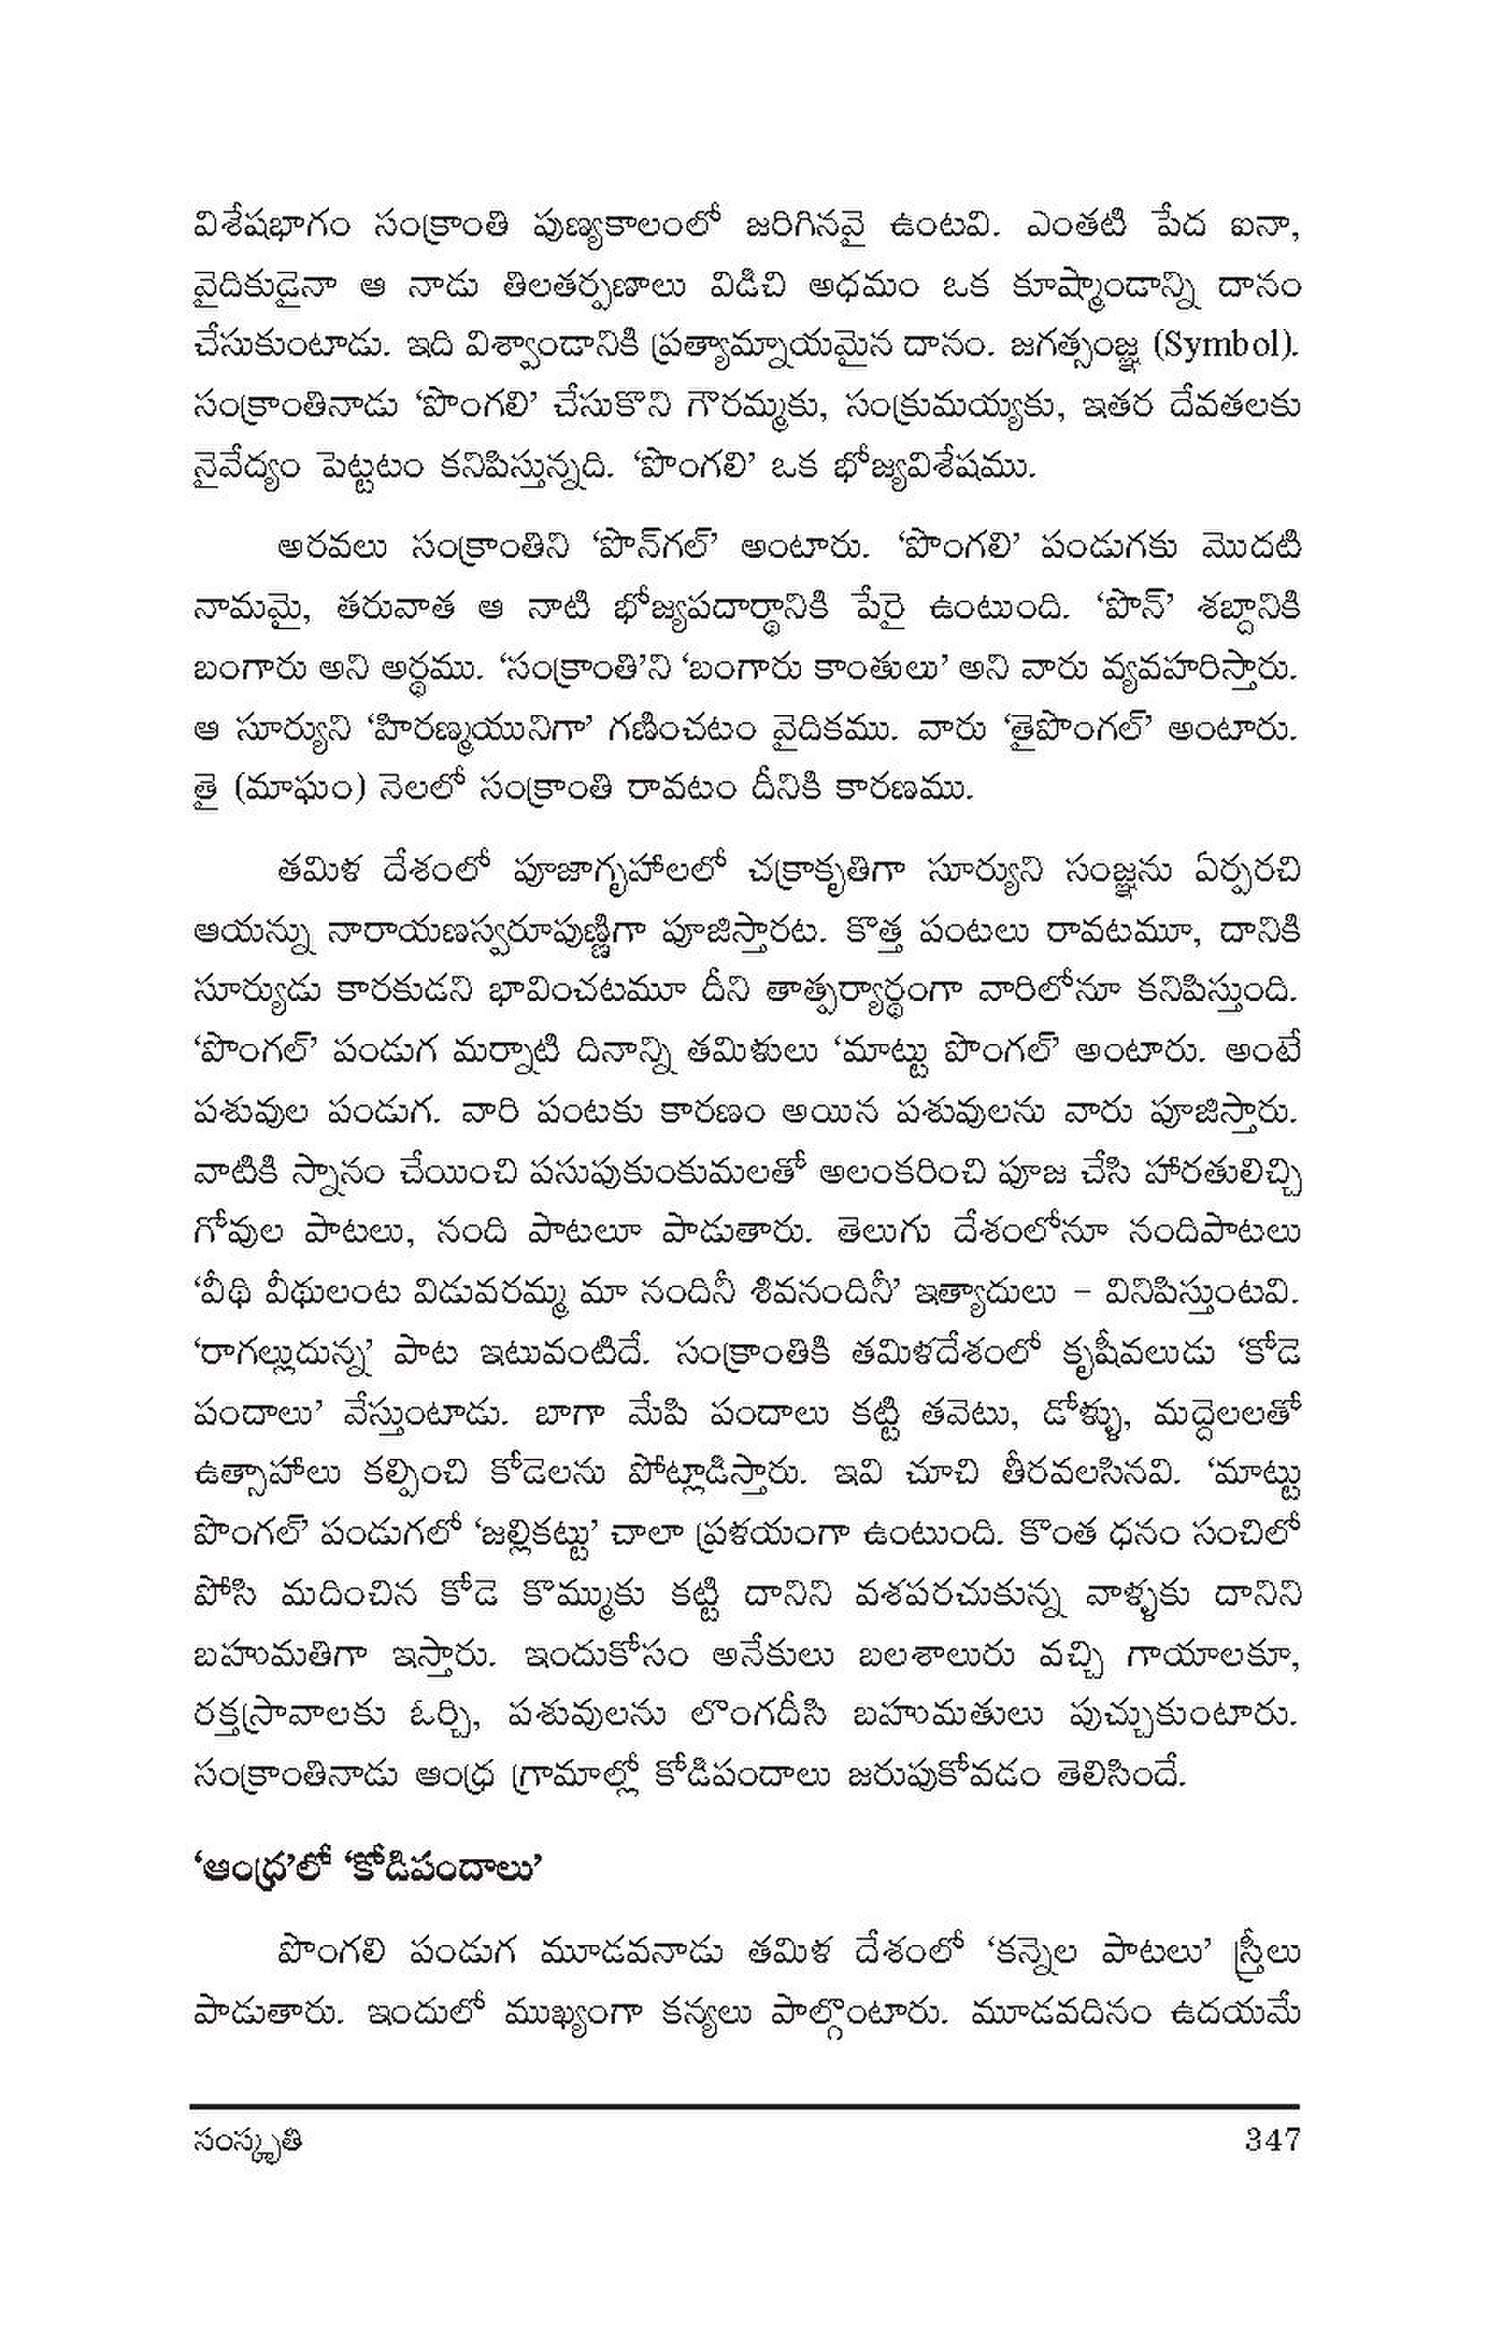విశేషభాగం సంక్రాంతి పుణ్యకాలంలో జరిగినవై ఉంటవి. ఎంతటి పేద ఐనా, వైదికుడైనా ఆ నాడు తిలతర్పణాలు విడిచి అధమం ఒక కూష్మాండాన్ని దానం చేసుకుంటాడు. ఇది విశ్వాండానికి ప్రత్యామ్నాయమైన దానం. జగత్సంజ్ఞ (Symbol). సంక్రాంతినాడు 'పొంగలి' చేసుకొని గౌరమ్మకు, సంక్రుమయ్యకు, ఇతర దేవతలకు నైవేద్యం పెట్టటం కనిపిస్తున్నది. 'పొంగలి' ఒక భోజ్యవిశేషము.

అరవలు సంక్రాంతిని 'పొన్గాల్' అంటారు. 'పొంగలి' పండుగకు మొదటి నామమై, తరువాత ఆ నాటి భోజ్యపదార్థానికి పేరై ఉంటుంది. 'పొన్' శబ్దానికి బంగారు అని అర్థము. 'సంక్రాంతి'ని 'బంగారు కాంతులు' అని వారు వ్యవహరిస్తారు. ఆ సూర్యుని 'హిరణ్మయునిగా' గణించటం వైదికము. వారు 'తైపొంగల్' అంటారు. తై (మాఘం) నెలలో సంక్రాంతి రావటం దీనికి కారణము.

తమిళ దేశంలో పూజాగృహాలలో చక్రాకృతిగా సూర్యుని సంజ్ఞను ఏర్పరచి ఆయన్ను నారాయణస్వరూపుణ్ణిగా పూజిస్తారట. కొత్త పంటలు రావటమూ, దానికి సూర్యుడు కారకుడని భావించటమూ దీని తాత్పర్యార్థంగా వారిలోనూ కనిపిస్తుంది. 'పొంగల్' పండుగ మర్నాటి దినాన్ని తమిళులు 'మాట్టు పొంగల్' అంటారు. అంటే పశువుల పండుగ. వారి పంటకు కారణం అయిన పశువులను వారు పూజిస్తారు. వాటికి స్నానం చేయించి పసుపుకుంకుమలతో అలంకరించి పూజ చేసి హారతులిచ్చి గోవుల పాటలు, నంది పాటలూ పాడుతారు. తెలుగు దేశంలోనూ నందిపాటలు 'వీథి వీథులంట విడువరమ్మ మా నందినీ శివనందినీ' ఇత్యాదులు - వినిపిస్తుంటవి. 'రాగల్లుదున్న' పాట ఇటువంటిదే. సంక్రాంతికి తమిళదేశంలో కృషీవలుడు 'కోడె పందాలు' వేస్తుంటాడు. బాగా మేపి పందాలు కట్టి తవెటు, డోళ్ళు, మద్దెలలతో ఉత్సాహాలు కల్పించి కోడెలను పోట్లాడిస్తారు. ఇవి చూచి తీరవలసినవి. 'మాట్టు పొంగల్' పండుగలో 'జల్లికట్టు' చాలా ప్రళయంగా ఉంటుంది. కొంత ధనం సంచిలో పోసి మదించిన కోడె కొమ్ముకు కట్టి దానిని వశపరచుకున్న వాళ్ళకు దానిని
బహుమతిగా ఇస్తారు. ఇందుకోసం అనేకులు బలశాలురు వచ్చి గాయాలకూ, రక్తస్రావాలకు ఓర్చి, పశువులను లొంగదీసి బహుమతులు పుచ్చుకుంటారు. సంక్రాంతినాడు ఆంధ్ర గ్రామాల్లో కోడిపందాలు జరుపుకోవడం తెలిసిందే.

'ఆంధ్ర'లో 'కోడిపందాలు’

పొంగలి పండుగ మూడవనాడు తమిళ దేశంలో 'కన్నెల పాటలు' స్త్రీలు పాడుతారు. ఇందులో ముఖ్యంగా కన్యలు పాల్గొంటారు. మూడవదినం ఉదయమే